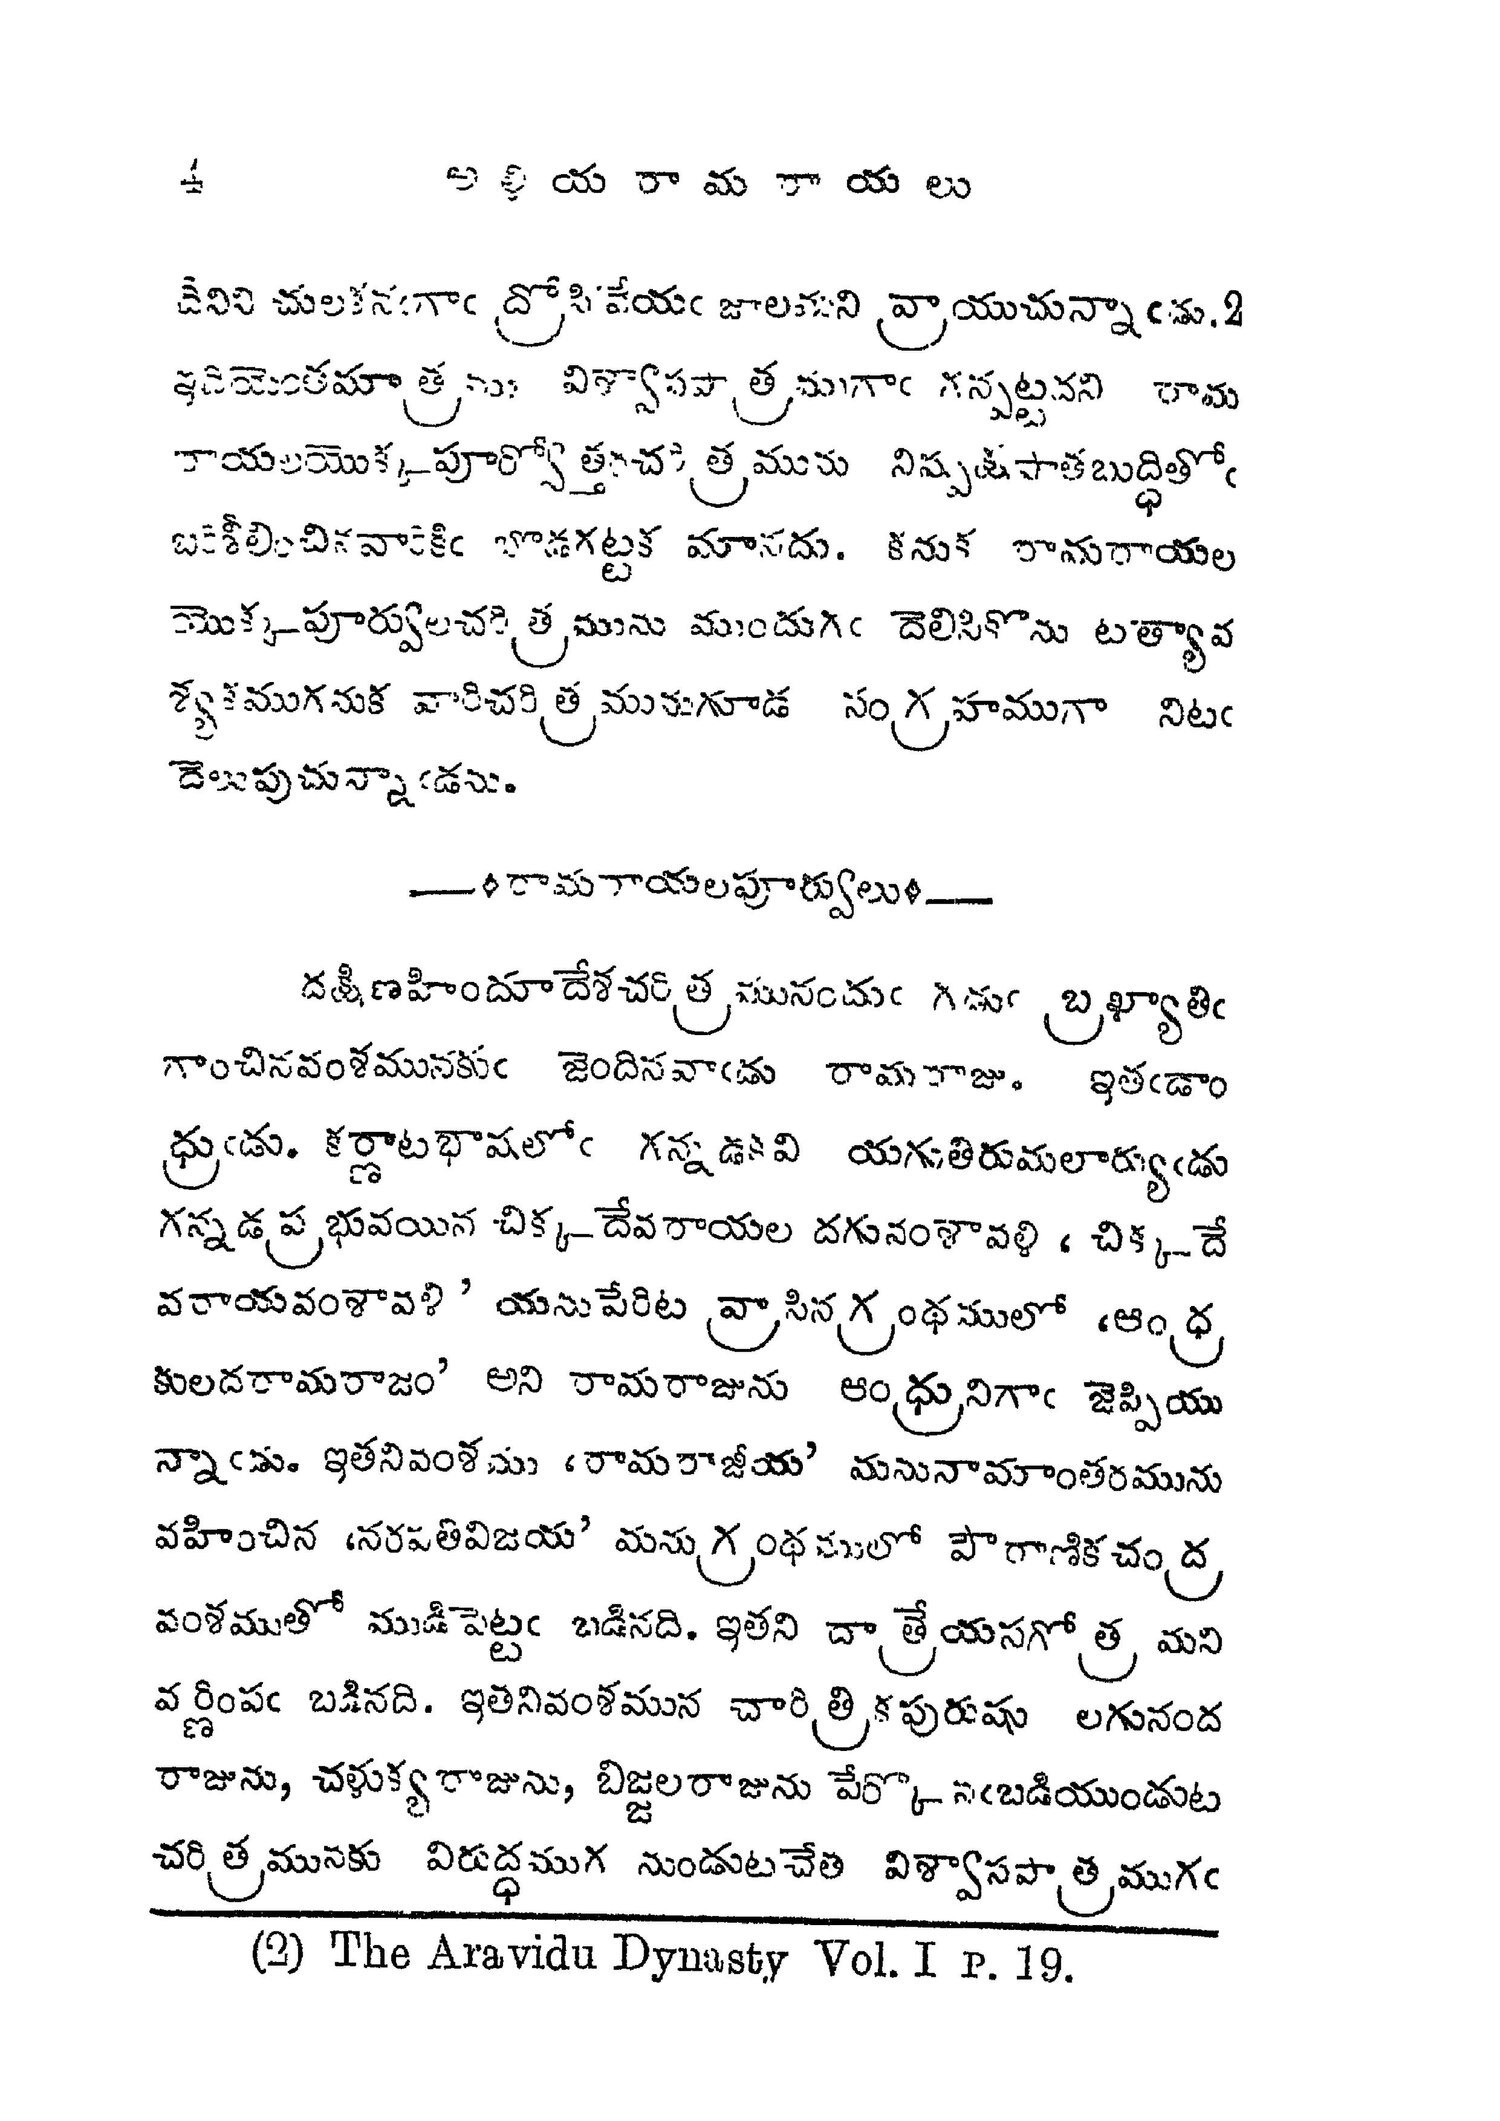దీనిని చులకనగా ద్రోసివేయజాలమని వ్రాయుచున్నాడు. ఇదియెంతమాత్రము విశ్వాసపాత్రముగా గన్పట్టదని రామరాయల యొక్క పూర్వోత్తరచరిత్రమును నిష్పక్షపాతబుద్ధితో బరిశీలించినవారికి బొడగట్టక మానదు. కనుక రామరాయల యొక్కపూర్వులచరిత్రమును ముందుగ దెలిసికొను టత్యావశ్యకముగనుక వారిచరిత్రమునుగూడ సంగ్రహముగా నిట దెలుపుచున్నాడను.

దక్షిణహిందూదేశచరిత్రమునందు గడు బ్రఖ్యాతి గాంచినవంశమునకు జెందినవాడు రామరాజు. ఇతడాంధ్రుడు. కర్ణాటభాషలో గన్నడకవి యగుతిరుమలార్యుడు గన్నడప్రభువయిన చిక్కదేవరాయల దగువంశావళి 'చిక్కదేవరాయవంశావళి' యనుపేరిట వ్రాసినగ్రంథములో 'ఆంధ్రకులదరామరాజం' అని రామరాజును ఆంధ్రునిగా జెప్పియున్నాడు. ఇతనివంశము 'రామరాజీయ' మనునామాంతరమును వహించిన 'నరపతివిజయ' మనుగ్రంథములో పౌరాణికచంద్రవంశముతో ముడిపెట్ట బడినది. ఇతని దాత్రేయసగోత్ర మని వర్ణింప బడినది. ఇతనివంశమున చారిత్రకపురుషు లగునందరాజును, చళుక్యరాజును, బిజ్జలరాజును పేర్కొనబడియుండుట చరిత్రమునకు విరుద్ధముగ నుండుటచేత విశ్వాసపాత్రముగ